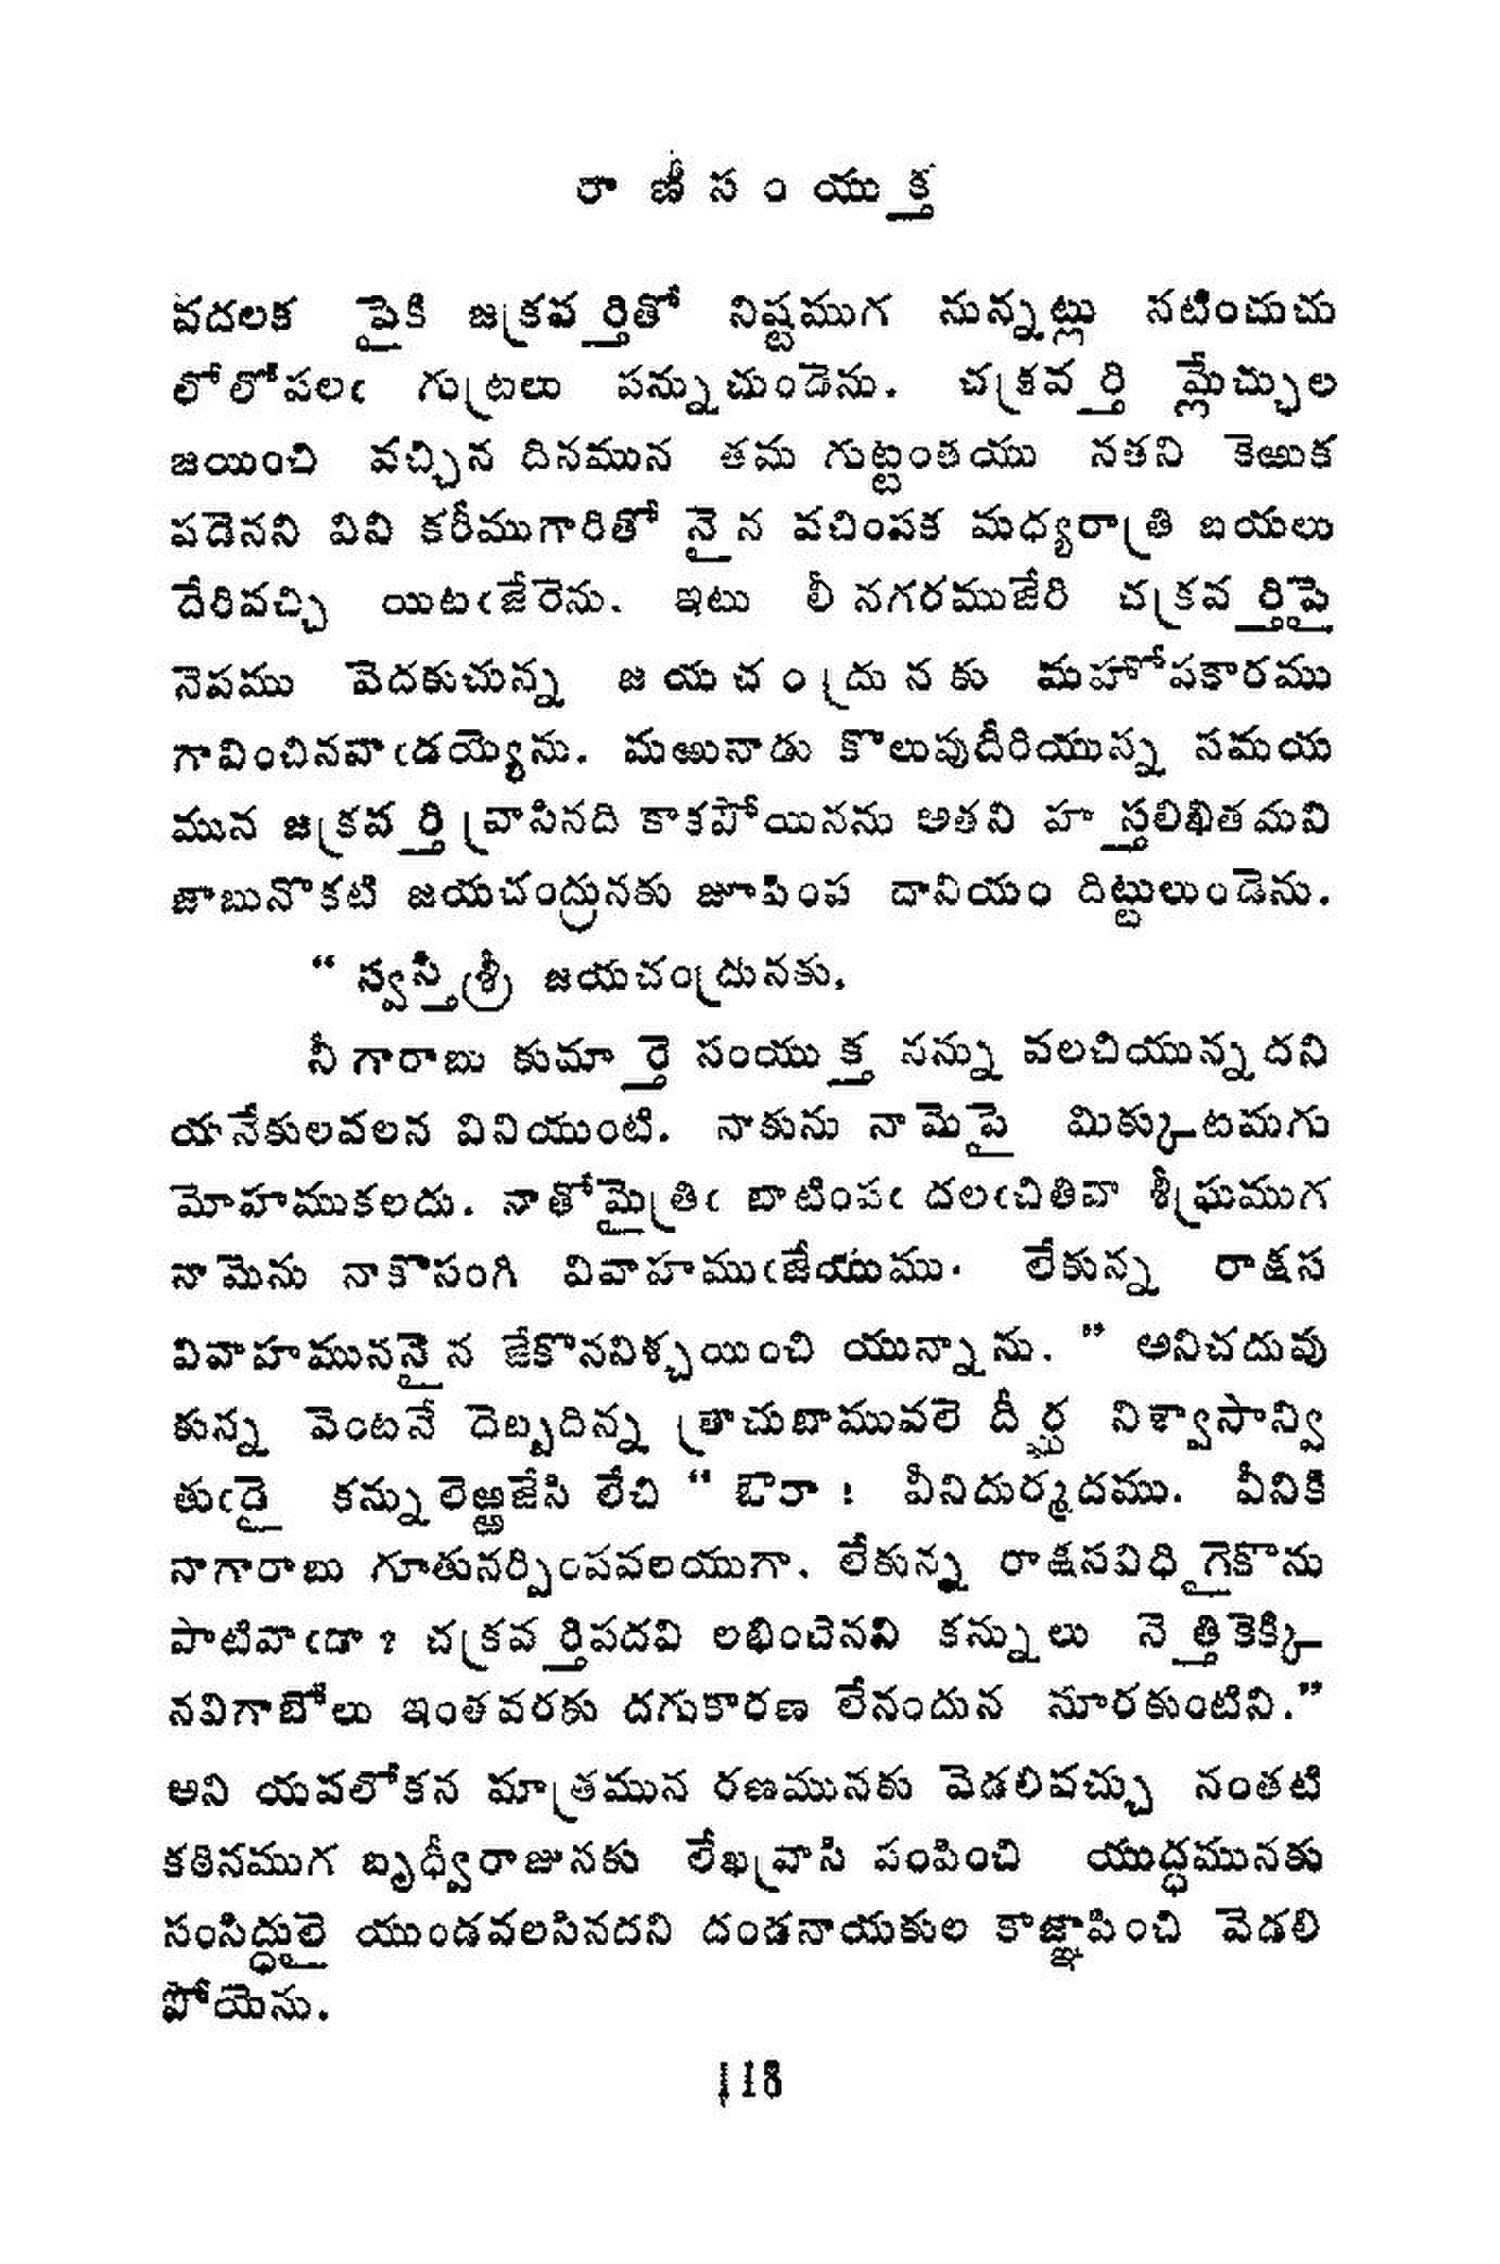వదలక పైకి జక్రవర్తితో నిష్టముగ నున్నట్లు నటించుచు లోలోపలఁ గుట్రలు పన్నుచుండెను. చక్రవర్తి మ్లేచ్చుల జయించి వచ్చిన దినమున తమ గుట్టంతయు నతని కెఱుక పడెనని విని కరీముగారితో నైన వచింపక మధ్యరాత్రి బయలు దేరివచ్చి యిటఁజేరెను. ఇటు లీ నగరముజేరి చక్రవర్తిపై నెపము వెదకుచున్న జయచంద్రునకు మహోపకారము గావించినవాఁడయ్యెను. మఱునాడు కొలువుదీరియున్న సమయమున జక్రవర్తి వ్రాసినది కాకపోయినను అతని హస్తలిఖిత మని జాబునొకటి జయచంద్రునకు జూపింప దానియం దిట్టులుండెను.

" స్వస్తి శ్రీ జయచంద్రునకు,

నీ గారాబు కుమార్తె సంయుక్త నన్ను వలచియున్నదని యనేకులవలన వినియుంటి. నాకును నామెపై మిక్కుటమగు మోహముకలదు. నాతో మైత్రిఁ బాటింపఁ దలఁచితివా శీఘ్రముగ నామెను నాకొసంగి వివాహముఁజేయుము. లేకున్న రాక్షస వివాహముననైన జేకొననిశ్చయించి యున్నాను." అనిచదువుకున్న వెంటనే దెబ్బదిన్న త్రాచుబామువలె దీర్ఘ నిశ్వాసాన్వితుఁడై కన్నులెఱ్ఱజేసి లేచి " ఔరా ! వీనిదుర్మదము. వీనికి నాగారాబు గూతునర్పింపవలయుగా, లేకున్న రాక్షసవిధి గైకొను పాటివాఁడా ? చక్రవర్తిపదవి లభించెనని కన్నులు నెత్తికెక్కినవిగాబోలు ఇంతవరకు దగుకారణ లేనందున నూరకుంటిని." అని యవలోకన మాత్రమున రణమునకు వెడలివచ్చు నంతటి కఠినముగ బృధ్వీరాజునకు లేఖవ్రాసి పంపించి యుద్దమునకు సంసిద్ధులై యుండవలసినదని దండనాయకుల కాజ్ఞాపించి వెడలి పోయెను.